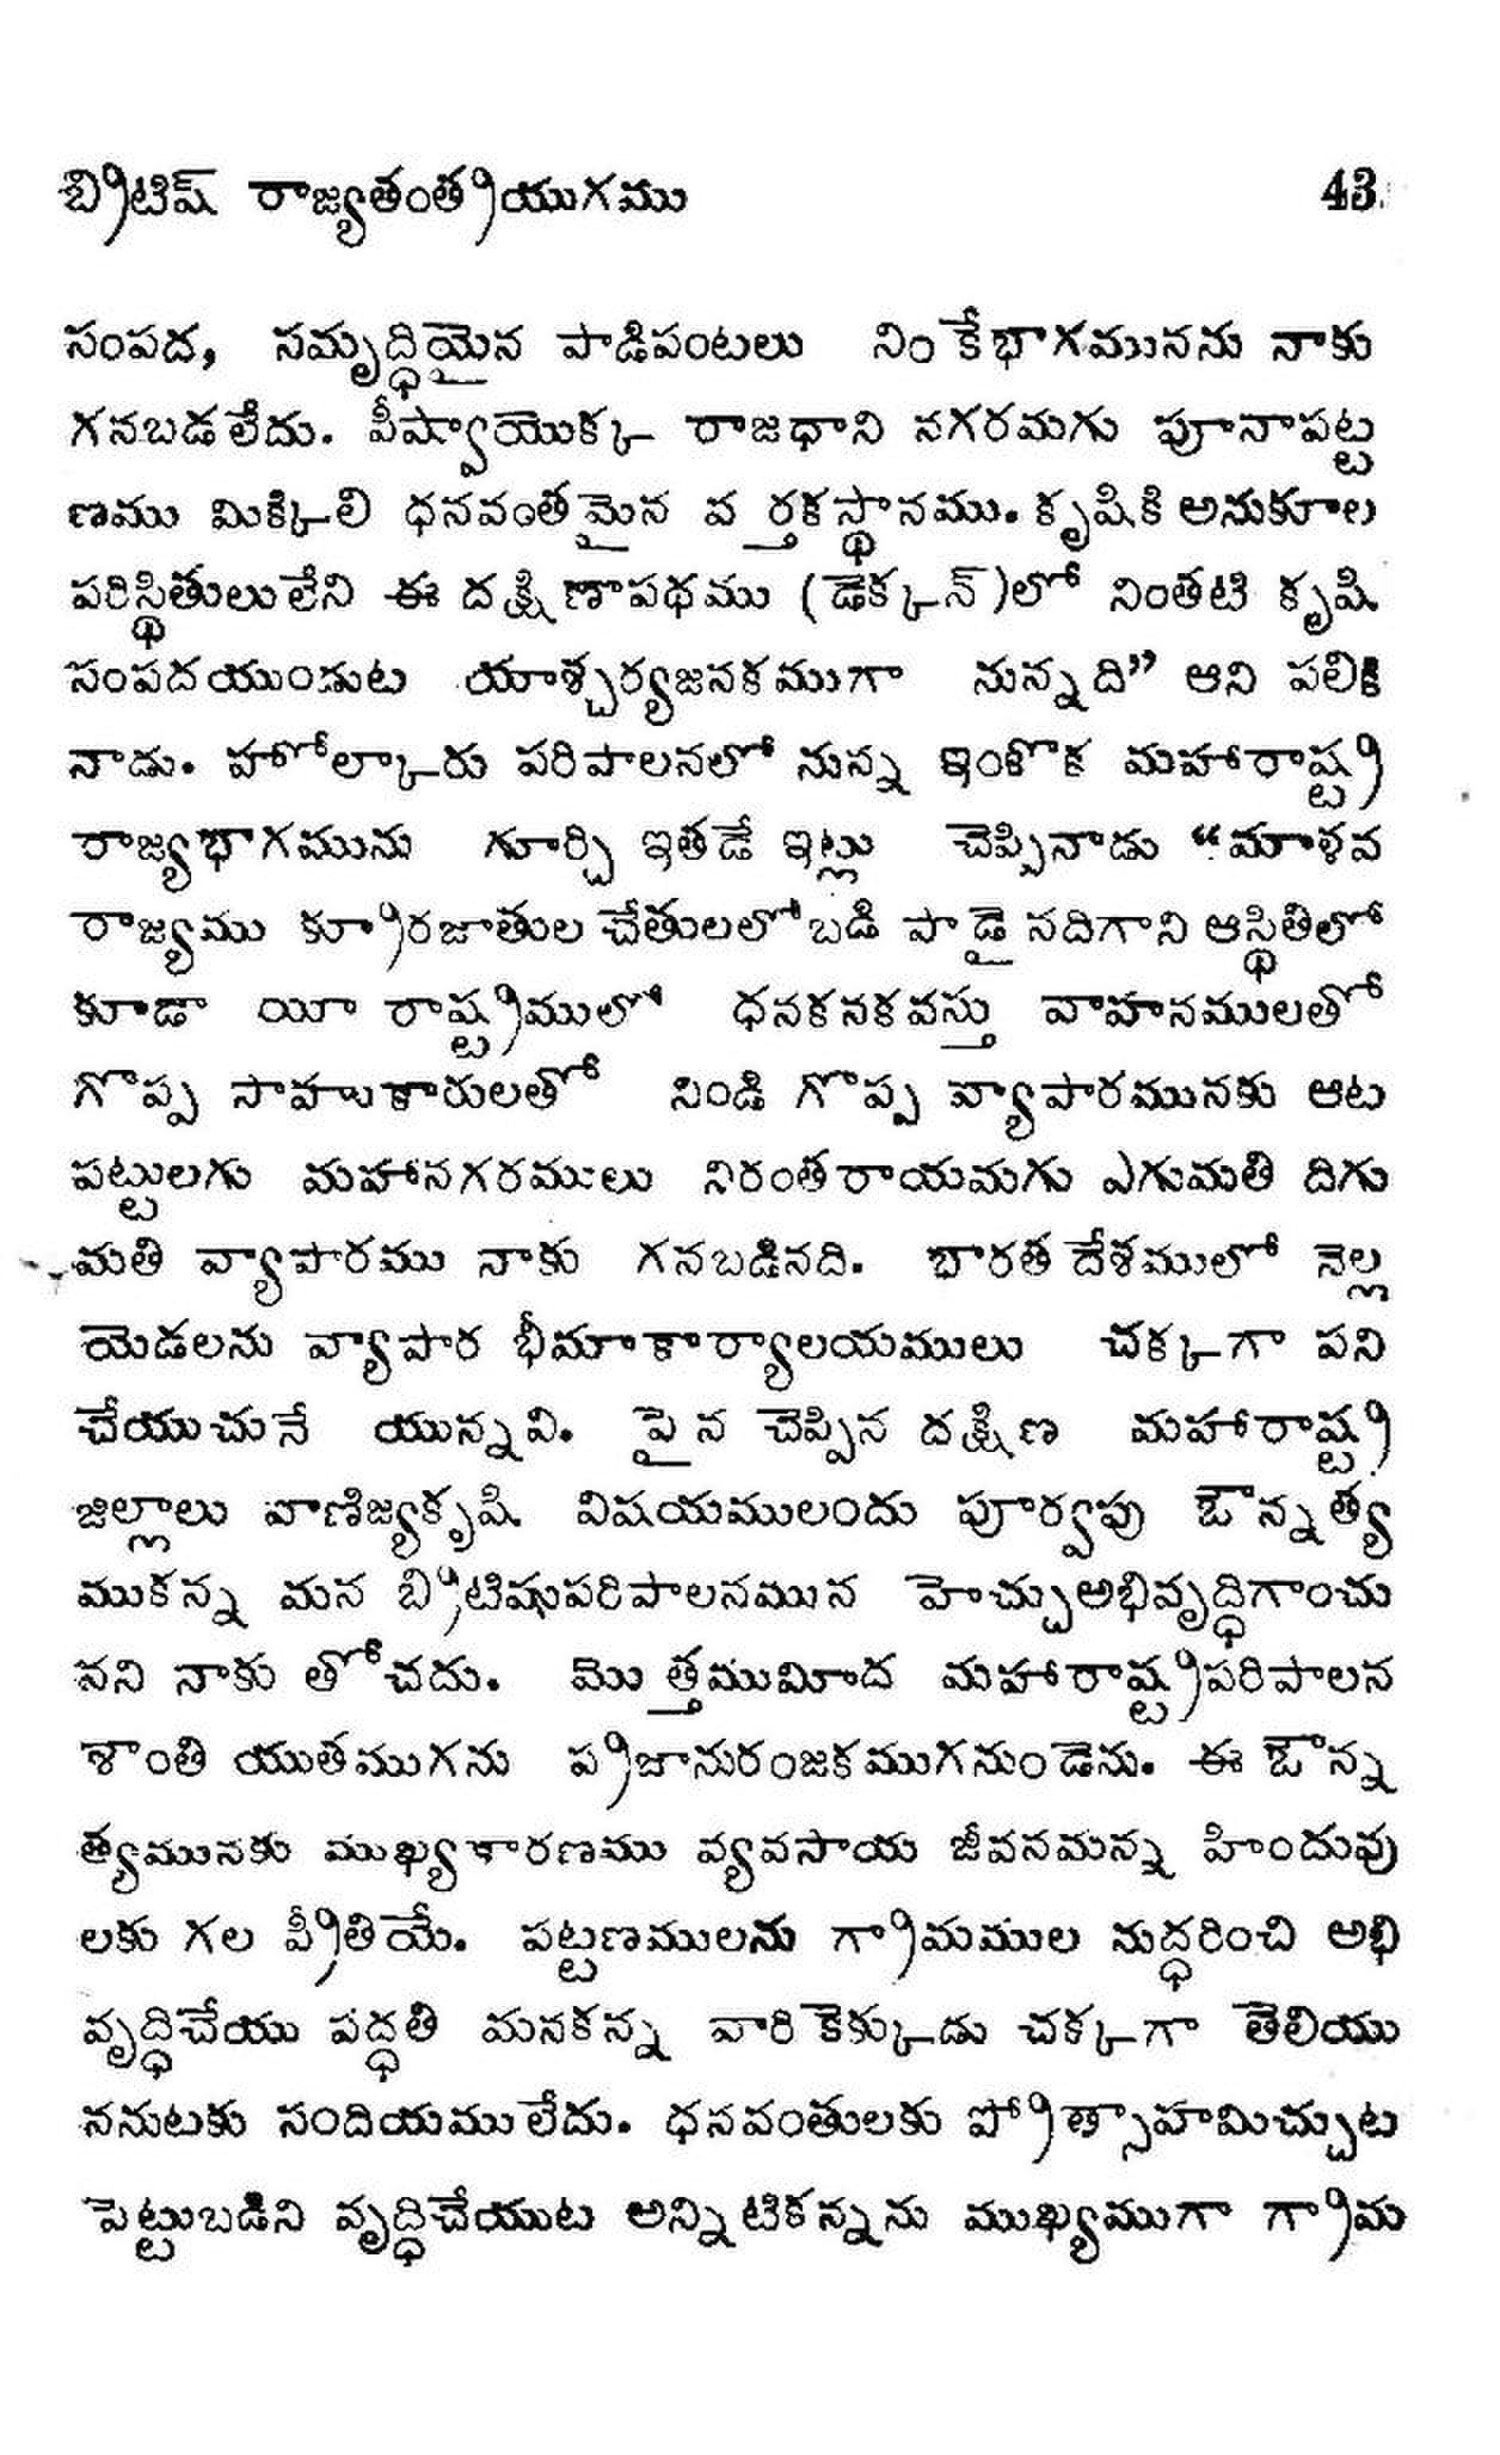సంపద, సమృద్ధియైన పాడిపంటలు నింకేభాగమునను నాకు గనబడ లేదు. పీష్వాయొక్క రాజధాని నగరమగు పూనాపట్టణము మిక్కిలి ధనవంతమైన వర్తకస్థానము. కృషికి అనుకూల పరిస్థితులులేని ఈ దక్షిణాపథము (డెక్కన్)లో నింతటి కృషి సంపదయుండుట యాశ్చర్యజనకముగా నున్నది” అని పలికినాడు. హోల్కారు పరిపాలనలో నున్న ఇంకొక మహారాష్ట్ర రాజ్యభాగమును గూర్చి ఇతడే ఇట్లు చెప్పినాడు “మాళవరాజ్యము క్రూరజాతుల చేతులలోబడి పాడైనదిగాని ఆస్థితిలో కూడా యీ రాష్ట్రములో ధనకనకవస్తు వాహనములతో గొప్ప సాహుకారులతో నిండి గొప్ప వ్యాపారమునకు ఆటపట్టులగు మహానగరములు నిరంతరాయమగు ఎగుమతి దిగుమతి వ్యాపారము నాకు గనబడినది. భారతదేశములో నెల్ల యెడలను వ్యాపార భీమాకార్యాలయములు చక్కగా పనిచేయుచునే యున్నవి. పైన చెప్పిన దక్షిణ మహారాష్ట్ర జిల్లాలు వాణిజ్యకృషి విషయములందు పూర్వపు ఔన్నత్యముకన్న మన బ్రిటిషుపరిపాలనమున హెచ్చుఅభివృద్ధిగాంచునని నాకు తోచదు. మొత్తముమీద మహారాష్ట్ర పరిపాలన శాంతి యుతముగను ప్రజానురంజకముగనుండెను. ఈ ఔన్నత్యమునకు ముఖ్యకారణము వ్యవసాయ జీవనమన్న హిందువులకు గల ప్రీతియే. పట్టణములను గ్రామముల నుద్దరించి అభివృద్ధిచేయు పద్ధతి మనకన్న వారికెక్కుడు చక్కగా తెలియుననుటకు సందియము లేదు. ధనవంతులకు ప్రోత్సాహమిచ్చుట పెట్టుబడిని వృద్ధిచేయుట అన్నిటికన్నను ముఖ్యముగా గ్రామ